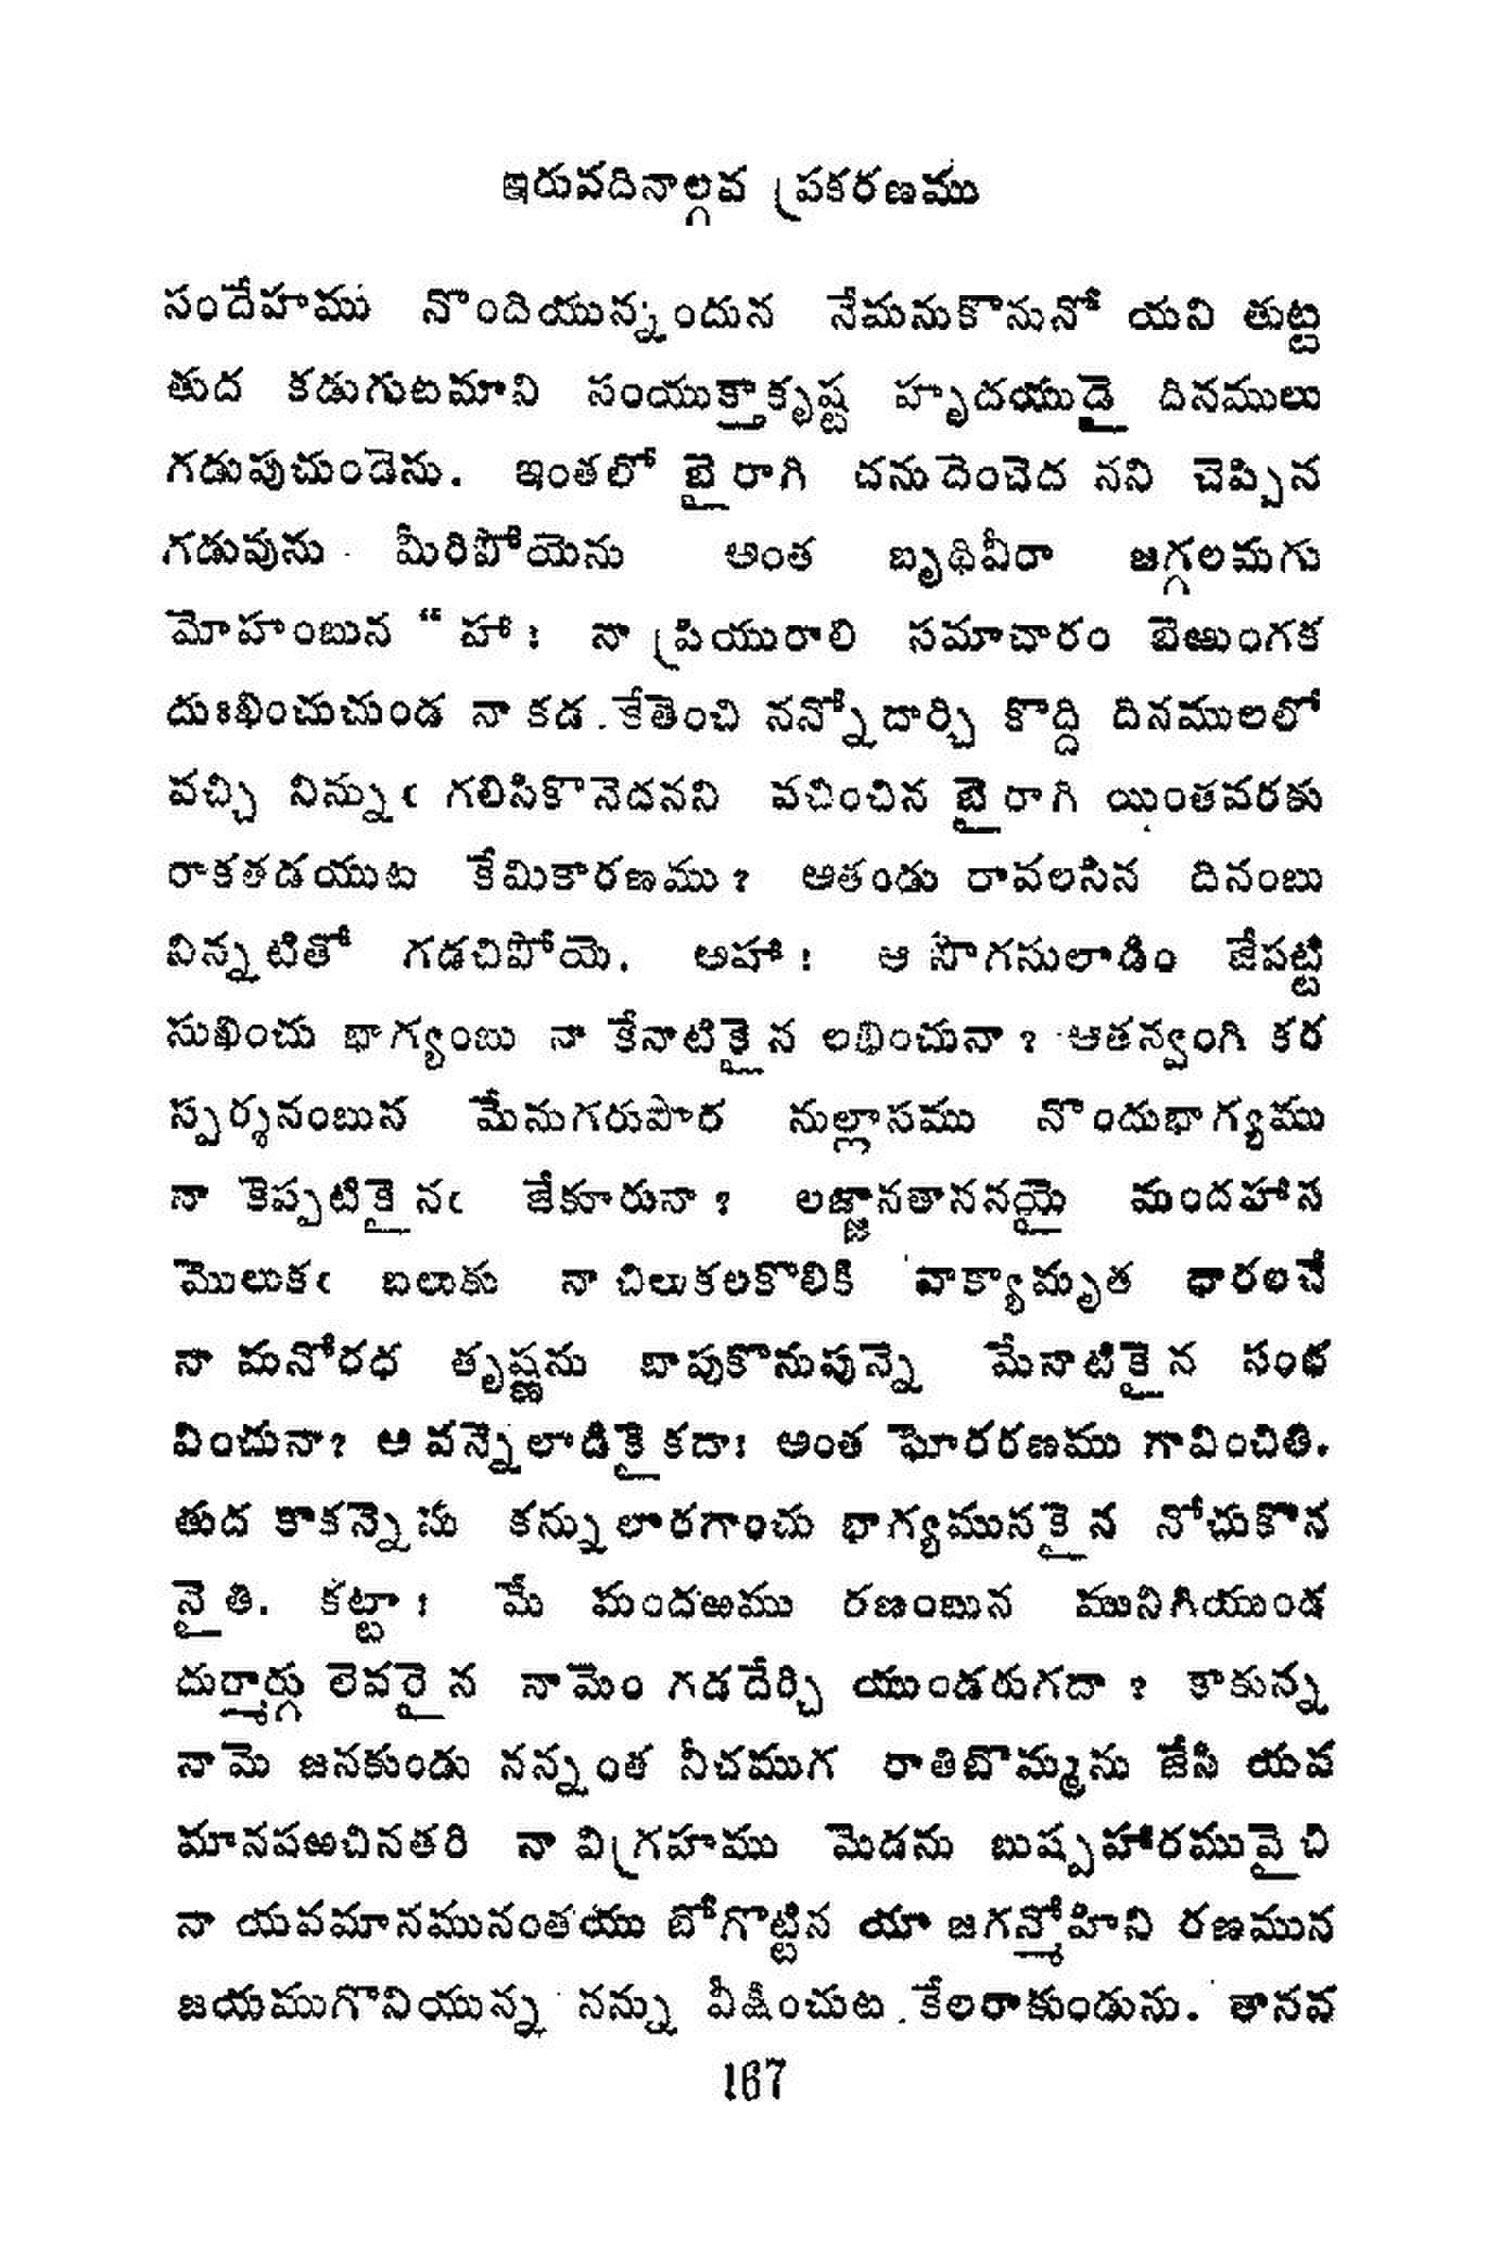సందేహము నొందియున్నందున నేమనుకొనునో యని తుట్టతుద కడుగుటమాని సంయుక్తాకృష్ట హృదయుడై దినములు గడుపుచుండెను. ఇంతలో బైరాగి చనుదెంచెద నని చెప్పిన గడువును . మీరిపోయెను. అంత బృథివీరా జగ్గలమగు మోహంబున “హా ! నా ప్రియురాలి సమాచారం బెఱుంగక దుఃఖించుచుండ నాకడ. కేతెంచి నన్నో దార్చి కొద్ది దినములలో వచ్చి నిన్నుఁ గలిసికొనెదనని వచించిన బైరాగి యింతవరకు రాకతడయుట కేమికారణము? అతండు రావలసిన దినంబు నిన్నటితో గడచిపోయె. ఆహా ! ఆ సొగసులాడిం జేపట్టి సుఖించు భాగ్యంబు నా కేనాటికైన లభించునా? ఆతన్వంగి కరస్పర్శనంబున మేనుగరుపార నుల్లాసము నొందుభాగ్యము నా కెప్పటికైనఁ జేకూరునా? లజ్ఞానతాననయై మందహాసమొలుకఁ బలుకు నా చిలుకలకొలికి వాక్యామృత ధారలచే నా మనోరధ తృష్ణను బాపుకొనుపున్నె మేనాటికైన సంభవించునా? ఆ వన్నెలాడికై కదా! అంత ఘోరరణము గావించితి. తుద కాకన్నెను కన్నులారగాంచు భాగ్యమునకైన నోచుకొననైతి. కట్టా ! మే మందఱము రణంబున మునిగియుండ దుర్మార్గు లెవరైన నామెం గడదేర్చి యుండరుగదా? కాకున్న నామె జనకుండు నన్నంత నీచముగ రాతిబొమ్మను జేసి యవమానపఱచినతరి నా విగ్రహము మెడను బుష్పహారమువైచి నా యవమానమునంతయు బోగొట్టిన యా జగన్మోహిని రణమున జయముగొనియున్న నన్ను వీక్షించుట కేలరాకుండును. తానవ